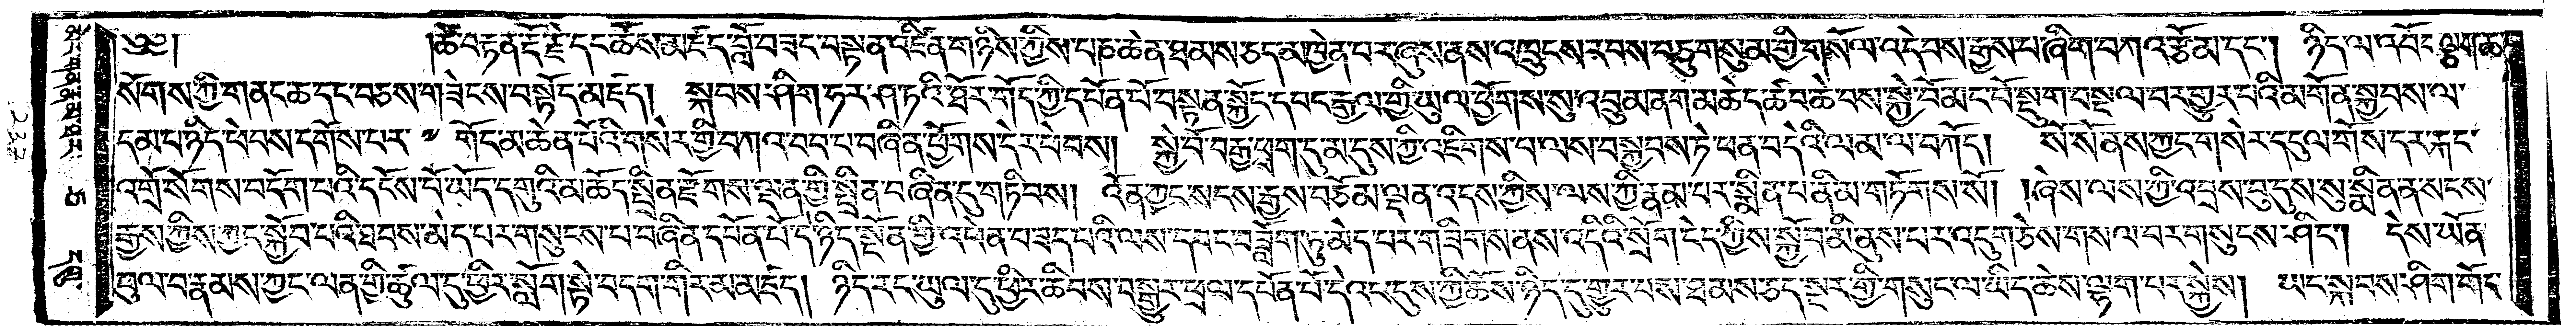༄༅། །ཚེ་བརྟན་རྡོ་རྗེ་དང་ཆོས་མཛད་བློ་བཟང་བསྟན་འཛིན་གཉིས་ཀྱིས་པཎ་ཆེན་ཐམས་ཅད་མཁྱེན་པར་ཞུས་ནས་འཁྲུངས་རབས་བཅུ་གསུམ་གྱི་གསོལ་འདེབས་རྒྱས་པ་ཞིག་བཀའ་རྩོམ་དང་། ཉིད་ལ་འབོབ་ལྕག་ཆ་
སོགས་ཀྱི་གནང་ཆ་དང་བཅས་གཟེངས་བསྟོད་མཛད། སྐབས་ཤིག་ཧར་ཤ་ཏའི་ཐོར་གོད་ཀྱི་དཔོན་པོ་བསྟན་སྐྱོང་དབང་རྒྱལ་གྱི་ཡུལ་ཕྱོགས་སུ་འབྲུམ་ནག་མཆེད་ཚབ་ཆེ་བས་སྐྱེ་བོ་མང་པོ་སྡུག་བསྔལ་བར་གྱུར་པའི་མགོན་སྐྱབས་ལ་
དམ་པ་ཉིད་ཕེབས་དགོས་པར ༧གོང་མ་ཆེན་པོའི་གསེར་གྱི་བཀའ་བབ་བཞིན་ཕྱོགས་དེར་ཕེབས། སྐྱེ་བོ་བརྒྱ་ཕྲག་དུ་མ་དུས་ཀྱི་འཇིགས་པ་ལས་བསྐྱབས་ཏེ་ཕན་བདེའི་ལམ་ལ་བཀོད། སོ་སོ་ནས་ཀྱང་གསེར་དངུལ་གོས་དར་རྐང་
འགྲོ་སོགས་བདོག་པའི་དངོས་པོ་ཡོད་དགུའི་མཆོད་སྤྲིན་རྫོགས་ལྡན་གྱི་སྤྲིན་བཞིན་དུ་གཏིབས། འོན་ཀྱང་སངས་རྒྱས་བཅོམ་ལྡན་འདས་ཀྱི་ལས་ཀྱི་རྣམ་པར་སྨིན་པ་ནི་མ་གཏོགས་སོ། །ཞེས་ལས་ཀྱི་འབྲས་བུ་དུས་སུ་སྨིན་ན་སངས་
རྒྱས་ཀྱིས་ཀྱང་སྐྱོབ་པའི་ཐབས་མེད་པར་གསུངས་པ་བཞིན་དཔོན་པོ་དེ་ཉིད་སྔོན་གྱི་འཕེན་པ་ཟད་པའི་ལས་དབང་བཟློག་ཏུ་མེད་པར་གཟིགས་ནས་འདིའི་སྲོག་ངེད་ཀྱིས་སྐྱོབ་མི་ནུས་པར་འདུག་ཅེས་གསལ་བར་གསུངས་ཤིང་། དེས་ཡོན་
ཕུལ་བ་རྣམས་ཀྱང་ལན་གྱི་ཚུལ་དུ་ཕྱིར་སློག་སྟེ་བདག་གིར་མཛད། ཉིད་རང་ཡུལ་དུ་ཕྱིར་ཆིབས་བསྒྱུར་ཕྲལ་དཔོན་པོ་དེའང་དུས་ཀྱི་ཆོས་ཉིད་དུ་གྱུར་པས་ཐམས་ཅད་སྔར་གྱི་གསུང་ལ་ཡིད་ཆེས་ལྷག་པར་སྐྱེས། ཡང་སྐབས་ཤིག་གོང་